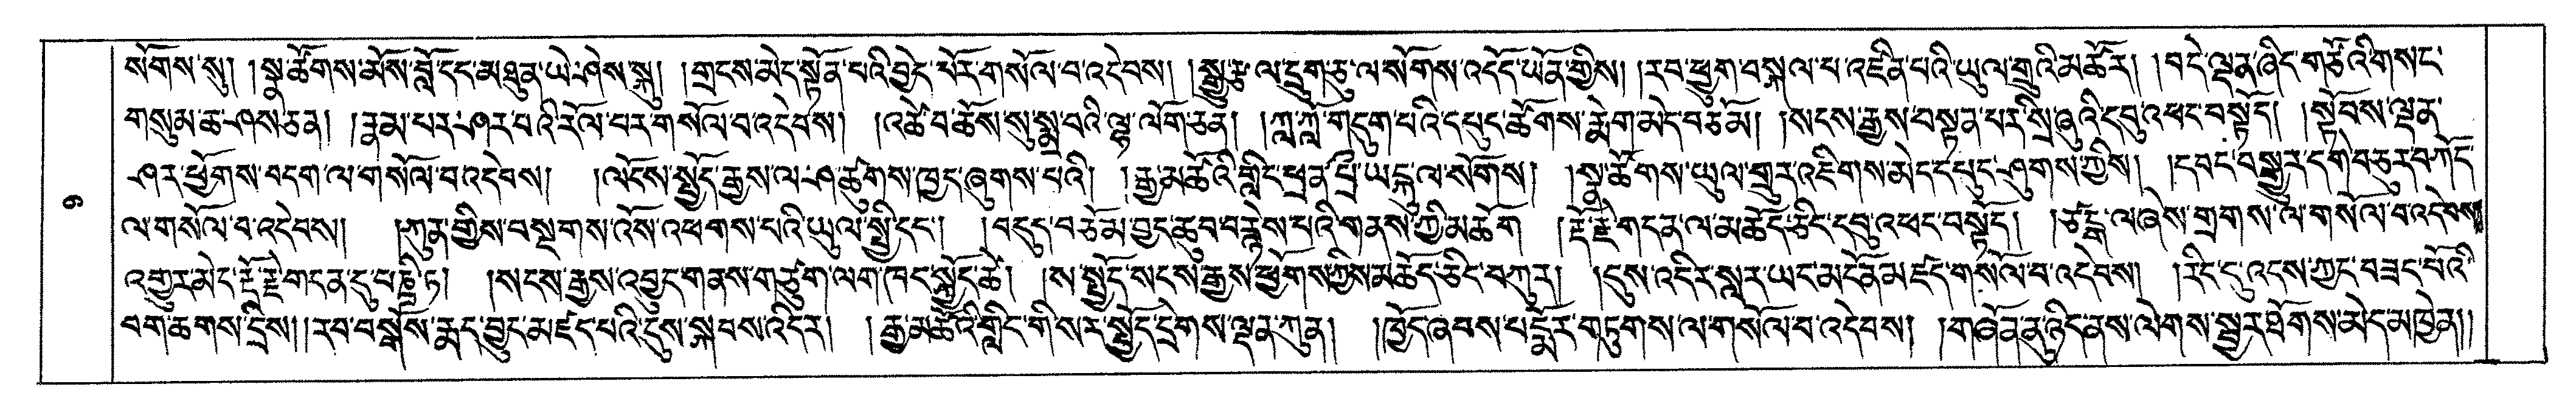སོགས་སུ། །སྣ་ཚོགས་མོས་བློ་དང་མཐུན་ཡེ་ཤེས་སྐུ། །གྲངས་མེད་སྟོན་བའི་བྱེད་པོར་གསོལ་བ་འདེབས། །སྒྱུ་རྩལ་དྲུག་ཅུ་ལ་སོགས་འདོད་ཡོན་གྱིས། །རབ་ཕྱུག་བསྐལ་བ་འཛིན་པའི་ཡུལ་གྲུའི་མཚོར། །བདེ་ལྡན་ཞིང་གཙོའི་གསང་
གསུམ་ཆ་ཤས་ཅན། །རྣམ་པར་ཤར་བའི་རོལ་པར་གསོལ་བ་འདེབས། །འཚེ་བ་ཆོས་སུ་སྨྲ་བའི་ལྟ་ལོག་ཅན། །ཀླ་ཀློ་གདུག་པའི་དཔུང་ཚོགས་རྨེག་མེད་བཅོམ། །སངས་རྒྱས་བསྟན་པར་སྲི་ཞུའི་དབུ་འཕང་བསྟོད། །སྟོབས་ལྡན་
ཤར་ཕྱོགས་བདག་ལ་གསོལ་བ་འདེབས། །ལོངས་སྤྱོད་རྒྱས་ལ་ཤ་ཚུགས་ཁྱད་ཞུགས་པའི། །རྒྱ་མཚོའི་གླིང་ཕྲན་པྲྀ་ཡང་ཀུ་ལ་སོགས། །སྣ་ཚོགས་ཡུལ་གྲུར་འཇིགས་མེད་དཔུང་ཤུགས་ཀྱིས། །དབང་བསྒྱུར་དགེ་བཅུར་བཀོད་
ལ་གསོལ་བ་འདེབས། །ཀུན་གྱིས་བསྔགས་འོས་འཕགས་པའི་ཡུལ་སྤྱི་དང་། །བདུད་བཅོམ་བྱང་ཆུབ་བརྙེས་པའི་གནས་ཀྱི་མཆོག །རྡོ་རྗེ་གདན་ལ་མཆོད་ཅིང་དབུ་འཕང་བསྟོད། །ཙངྒ་ལ་ཞེས་གྲགས་ལ་གསོལ་བ་འདེབས་
འགྱུར་མེད་རྡོ་རྗེ་གདན་དུ་པཎྜི་ཏ། །སངས་རྒྱས་འབྱུང་གནས་གཙུག་ལག་ཁང་སྐྱོང་ཚེ། །ས་སྤྱོད་སངས་རྒྱས་ཕྱོགས་ཀྱིས་མཆོད་ཅིང་བཀུར། །དུས་འདིར་སླར་ཡང་མངོན་མཛད་གསོལ་བ་འདེབས། །རིང་དུ་འདས་ཀྱང་བཟང་པོའི་
བག་ཆགས་དྲིས། །རབ་བསྒོས་རྨད་བྱུང་མཛད་བའི་དུས་སྐབས་འདིར། །རྒྱ་མཚོའི་གླིང་གི་སར་སྤྱོད་དྲེགས་ལྡན་ཀུན། །ཁྱོད་ཞབས་པདམོར་གཏུགས་ལ་གསོལ་བ་འདེབས། །གཞོན་ནུ་ཉིད་ནས་ལེགས་སྦྱར་ཐོགས་མེད་མཁྱེན།།